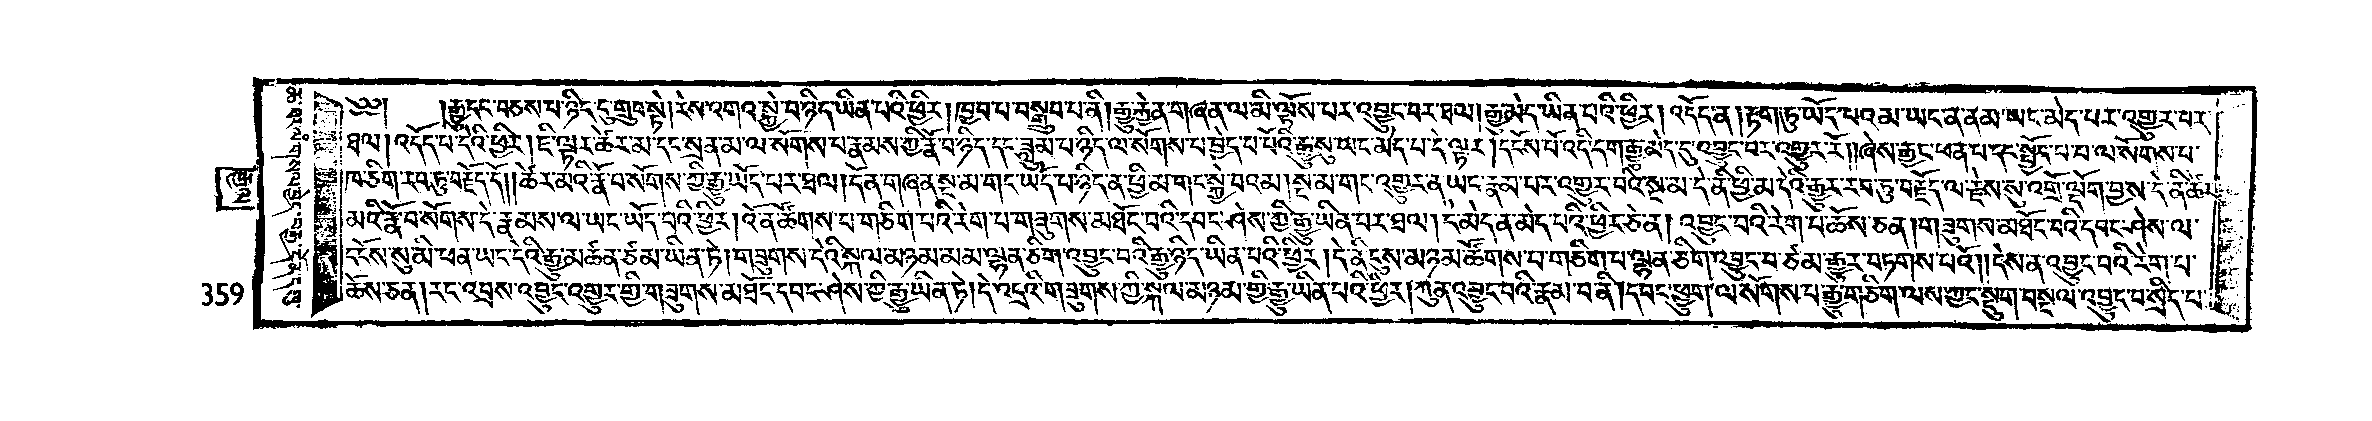༄༅། །རྒྱུ་དང་བཅས་པ་ཉིད་དུ་གྲུབ་སྟེ། རེས་འགའ་སྐྱེ་བ་ཉིད་ཡིན་པའི་ཕྱིར། ཁྱབ་པ་བསྒྲུབ་པ་ནི། རྒྱུ་རྐྱེན་གཞན་ལ་མི་ལྟོས་པར་འབྱུང་བར་ཐལ། རྒྱུ་མེད་ཡིན་པའི་ཕྱིར། འདོད་ན། རྟག་ཏུ་ཡོད་པའམ་ཡང་ན་ནམ་ཡང་མེད་པར་འགྱུར་པར་
ཐལ། འདོད་པ་དེའི་ཕྱིར། ཇི་ལྟར་ཚེར་མ་དང་སྲན་མ་ལ་སོགས་པ་རྣམས་ཀྱི་རྣོ་བ་ཉིད་དང་ཟླུམ་པ་ཉིད་ལ་སོགས་པ་བྱེད་པ་པོའི་རྒྱུ་སུ་ཡང་མེད་པ་དེ་ལྟར། དངོས་པོ་འདི་དག་རྒྱུ་མེད་དུ་འབྱུང་བར་འགྱུར་རོ། །ཞེས་རྒྱང་ཕན་པ་དང་སྤྱོད་པ་བ་ལ་སོགས་པ་
ཁ་ཅིག་རབ་ཏུ་བརྗོད་དོ། །ཚེར་མའི་རྣོ་བ་སོགས་ཀྱི་རྒྱུ་ཡོད་པར་ཐལ། དོན་གཞན་སྔ་མ་གང་ཡོད་པ་ཉིད་ན་ཕྱི་མ་གང་སྐྱེ་བའམ། སྔ་མ་གང་འགྱུར་ན་ཡང་རྣམ་པར་འགྱུར་བའི་སྔ་མ་དེ་ནི་ཕྱི་མ་དེའི་རྒྱུར་རབ་ཏུ་བརྗོད་ལ་རྗེས་སུ་འགྲོ་ལྡོག་བྱ་ས་དེ་ནི་ཚེར་
མའི་རྣོ་བ་སོགས་དེ་རྣམས་ལ་ཡང་ཡོད་པའི་ཕྱིར། འོ་ན་ཚོགས་པ་གཅིག་པའི་རེག་པ་གཟུགས་མཐོང་བའི་དབང་ཤེས་ཀྱི་རྒྱུ་ཡིན་པར་ཐལ། དེ་མེད་ན་མེད་པའི་ཕྱིར་ཅེ་ན། འབྱུང་བའི་རེག་པ་ཆོས་ཅན། གཟུགས་མཐོང་བའི་དབང་ཤེས་ལ་
དངོས་སུ་མི་ཕན་ཡང་དེའི་རྒྱུ་མཚན་ཙམ་ཡིན་ཏེ། གཟུགས་དེའི་སྐལ་མཉམ་མམ་ལྷན་ཅིག་འབྱུང་བའི་རྒྱུ་ཉིད་ཡིན་པའི་ཕྱིར། དེ་ནི་དུས་མཉམ་ཚོགས་པ་གཅིག་པ་ལྷན་ཅིག་འབྱུང་བ་ཙམ་རྒྱུར་བཏགས་པའོ། །དེས་ན་འབྱུང་བའི་རེག་པ་
ཆོས་ཅན། རང་འབྲས་འབྱུང་འགྱུར་གྱི་གཟུགས་མཐོང་དབང་ཤེས་ཀྱི་རྒྱུ་ཡིན་ཏེ། དེ་འདྲའི་གཟུགས་ཀྱི་སྐལ་མཉམ་གྱི་རྒྱུ་ཡིན་པའི་ཕྱིར། ཀུན་འབྱུང་བའི་རྣམ་པ་ནི། དབང་ཕྱུག་ལ་སོགས་པ་རྒྱུ་གཅིག་ལས་ཀྱང་སྡུག་བསྔལ་འབྱུང་བ་སྲིད་པ་